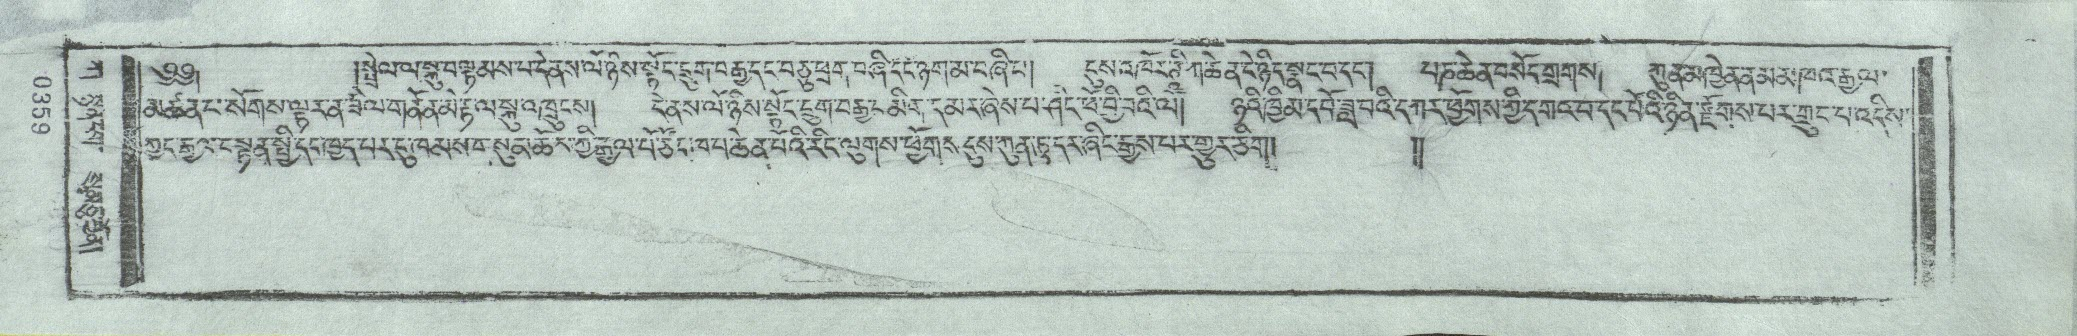༄༅། །སྤྲེལ་ལ་སྐུ་བལྟམས་པ་དེ་ནས་ལོ་ཉིས་སྟོང་དྲུག་བརྒྱ་དང་བཅུ་ཕྲག་བཞི་དང་ཉག་མ་བཞི་པ། དུས་འཁོར་ཊི་ཀ་ཆེན་དེ་ཉིད་སྣང་བ་དང་། པཎ་ཆེན་བསོད་གྲགས། ཀུན་མཁྱེན་ནམ་མཁའ་རྒྱལ་
མཚན་པ་སོགས་ལྟར་ན་ཟིལ་གནོན་མེ་རྟལ་སྐུ་འཁྲུངས། །དེ་ནས་ལོ་ཉིས་སྟོང་དྲུག་བརྒྱ་བ་མིག་དམར་ཞེས་པ་ཤིང་ཕོ་བྱི་བའི་ལོ། ཉིའི་ཁྱིམ་དབོ་ཟླ་བའི་དཀར་ཕྱོགས་ཀྱི་དགའ་བ་དང་པོའི་ཉིན་རྫོགས་པར་གྲུབ་པ་འདིས་
ཀྱང་རྒྱལ་བསྟན་སྤྱི་དང་ཁྱད་པར་དུ་ཁམས་གསུམ་ཆོས་ཀྱི་རྒྱལ་པོ་ཙོང་ཁ་པ་ཆེན་པོའི་རིང་ལུགས་ཕྱོགས་དུས་ཀུན་ཏུ་དར་ཞིང་རྒྱས་པར་གྱུར་ཅིག།